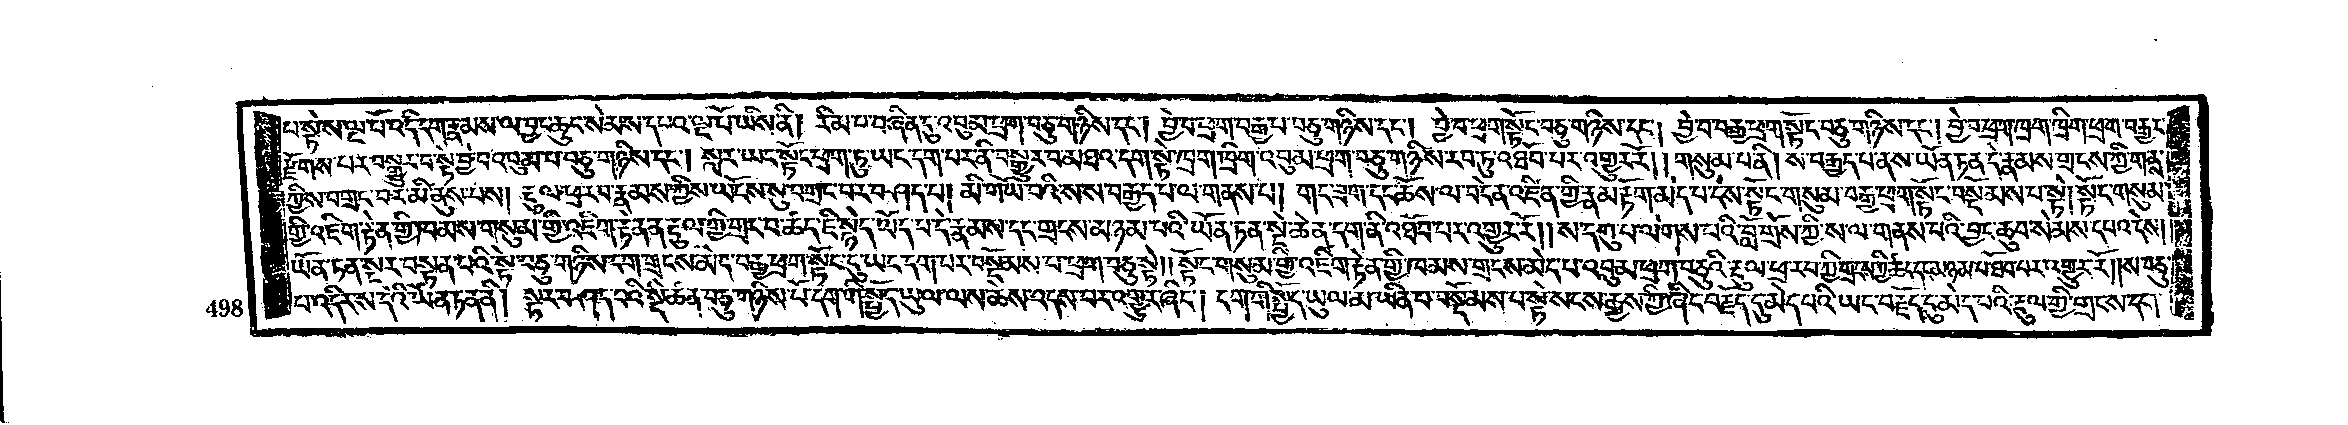པ་སྟེ་ས་ལྔ་པོ་འདི་དག་རྣམས་ལ་བྱང་ཆུབ་སེམས་དཔའ་ལྔ་པོ་ཡིས་ནི། རིམ་པ་བཞིན་དུ་འབུམ་ཕྲག་བཅུ་གཉིས་དང་། བྱེ་བ་ཕྲག་བརྒྱ་པ་བཅུ་གཉིས་དང་། བྱེ་བ་ཕྲག་སྟོང་བཅུ་གཉིས་དང་། བྱེ་བ་བརྒྱ་ཕྲག་སྟོང་བཅུ་གཉིས་དང་། བྱེ་བ་ཕྲག་ཁྲག་ཁྲིག་ཕྲག་བརྒྱར་
རྫོགས་པར་བསྒྱུར་བ་སྟེ་བྱེ་བ་འབུམ་པ་བཅུ་གཉིས་དང་། སླར་ཡང་སྟོང་ཕྲག་ཏུ་ཡང་དག་པར་ནི་བསྒྱུར་བ་མཐའ་དག་སྟེ་ཁྲག་ཁྲིག་འབུམ་ཕྲག་བཅུ་གཉིས་རབ་ཏུ་འཐོབ་པར་འགྱུར་རོ། །གསུམ་པ་ནི། ས་བརྒྱད་པ་ནས་ཡོན་ཏན་དེ་རྣམས་གྲངས་ཀྱི་གནས་
ཀྱིས་བགྲང་བར་མི་ནུས་པས། རྡུལ་ཕྲ་རབ་རྣམས་ཀྱིས་ཡོངས་སུ་བགྲང་བར་བཤད་པ། མི་གཡོ་བའི་ས་ས་བརྒྱད་པ་ལ་གནས་པ། གང་ཟག་དང་ཆོས་ལ་བདེན་འཛིན་གྱི་རྣམ་རྟོག་མེད་པ་དེས་སྟོང་གསུམ་བརྒྱ་ཕྲག་སྟོང་བསྡོམས་པ་སྟེ། སྟོང་གསུམ་
གྱི་འཇིག་རྟེན་གྱི་ཁམས་གསུམ་གྱི་འཇིག་རྟེན་ན་རྡུལ་གྱི་གྲང་བ་ཚད་ཇི་སྙེད་ཡོད་པ་དེ་རྣམས་དང་གྲངས་མཉམ་པའི་ཡོན་ཏན་སྡེ་ཚན་དག་ནི་འཐོབ་པར་འགྱུར་རོ། །ས་དགུ་པ་ལེགས་པའི་བློ་གྲོས་ཀྱི་ས་ལ་གནས་པའི་བྱང་ཆུབ་སེམས་དཔའ་དེས། །
ཡོན་ཏན་སྔར་བསྟན་པའི་སྡེ་བཅུ་གཉིས་དག་གྲངས་མེད་བརྒྱ་ཕྲག་སྟོང་དུ་ཡང་དག་པར་བསྡོམས་པ་ཕྲག་བཅུ་སྟེ། །སྟོང་གསུམ་གྱི་འཇིག་རྟེན་གྱི་ཁམས་གྲངས་མེད་པ་འབུམ་ཕྲག་བཅུའི་རྡུལ་ཕྲ་རབ་གྱི་གྲངས་ཀྱི་ཚད་དང་མཉམ་པ་ཐོབ་པར་འགྱུར་རོ། །ས་བཅུ་
པ་འདིར་ས་དེའི་ཡོན་ཏན་ནི། སྔར་བཤད་པའི་སྡེ་ཚན་བཅུ་གཉིས་པོ་དག་གི་སྤྱོད་ཡུལ་ལས་ཆེས་འདས་བར་འགྱུར་ཞིང་། དག་གི་སྤྱོད་ཡུལ་མ་ཡིན་པ་བསྡོམས་པ་སྟེ་སངས་རྒྱས་ཀྱི་ཞིང་བརྗོད་དུ་མེད་པའི་ཡང་བརྗོད་དུ་མེད་པའི་རྡུལ་གྱི་གྲངས་དག་